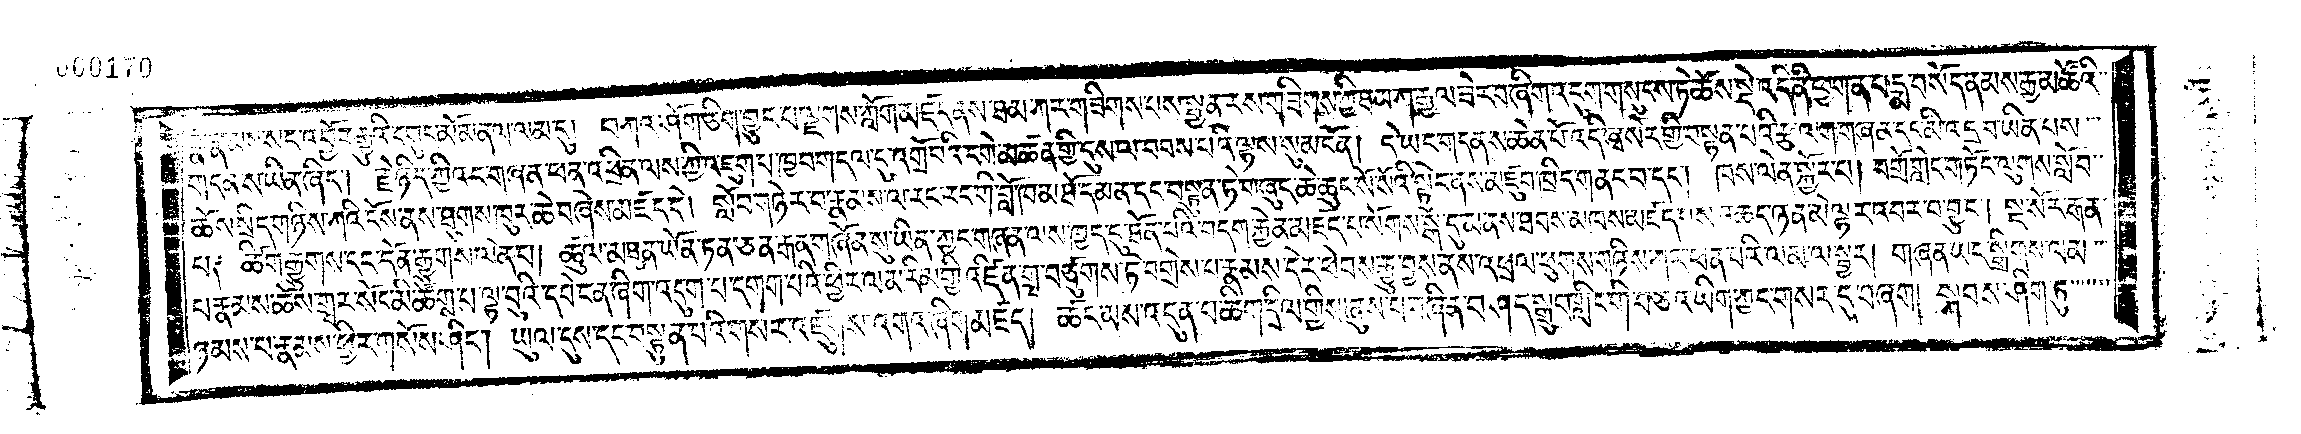སྣ་རྣམས་སང་འབྱོར་རྒྱུའི་དགུང་མོ་མནལ་ལམ་དུ། བཀའ་ཤོག་ཅིག་བྱུང་བ་ལྗགས་ཀློག་མཛད་ནས་ཐམ་ཀར་གཟིགས་པས་སྤྱན་རས་གཟིགས་ཀྱི་ཐམ་ཀ་རྒྱལ་ཟེར་བ་ཞིག་འདུག་གསུངས་ཏེ་ཆོས་སྡེ་འདི་ནི་ཕྱག་ན་པདམ་བསོད་ནམས་རྒྱ་མཚོའི་
གདན་ས་ཡིན་ཞིང་། རྗེ་ཉིད་ཀྱིའང་གཞན་ཕན་འཕྲིན་ལས་ཀྱི་འཇུག་པ་ཁྱབ་གདལ་དུ་འགྲོ་བའི་དགེ་མཚན་གྱི་དུས་ལ་བབས་པའི་ལྟས་སུ་མངོན། དེ་ཡང་གདན་ས་ཆེན་པོ་འདི་ཞྭ་སེར་གྱི་བསྟན་པའི་རྩ་ལག་གཞན་དང་མི་འདྲ་བ་ཡིན་པས་
ཆོས་སྲིད་གཉིས་ཀའི་ངོས་ནས་ཐུགས་ཁུར་ཆེ་བཞེས་མཛད་དེ། སློབ་གཉེར་བ་རྣམས་ལ་རང་རང་གི་བློ་ཁ་མཐོ་དམན་དང་བསྟུན་ཏེ་གཞུང་ཆེ་ཆུང་སོ་སོའི་སྟེང་ནས་མཛུབ་ཁྲིད་གནང་བ་དང་། ཁས་ལེན་སྐྱོར་པ། བགྲོ་གླེང་གཏོང་ལུགས་སློབ་
པ༑ ཚིག་རྒྱུགས་དང་དོན་རྒྱུགས་ལེན་པ། ཚུལ་མཐུན་ཡོན་ཏན་ཅན་རྒན་གཞོན་སུ་ཡིན་ཀྱང་གཞན་ལས་ཁྱད་དུ་ཐོན་པའི་བདག་རྐྱེན་མཛད་པ་སོགས་སྒོ་དུ་མ་ནས་ཐབས་མཁས་མཛད་པས་འཆད་ཉན་མེ་ལྟར་འབར་བ་བྱུང་། སྔ་སོར་རྒན་
པ་རྣམས་ཆོས་གྲྭར་སོང་མི་ཆོགས་པ་ལྟ་བུའི་དཔེ་ངན་ཞིག་འདུག་པ་དགག་པའི་ཕྱིར་ལམ་རིམ་གྱི་འཛིན་གྲྭ་བཙུགས་ཏེ་བགྲེས་པ་རྣམས་དེར་ཕེབས་རྒྱུ་བྱས་ནས་འཕྲལ་ཕུགས་གཉིས་ཀར་ཕན་པའི་ལམ་ལ་སྦྱར། གཞན་ཡང་སྒྲིགས་ལམ་
ཉམས་པ་རྣམས་ཕྱིར་གསོས་ཤིང་། ཡུལ་དུས་དང་བསྟུན་པའི་གསར་འཛུགས་འགའ་ཞིག་མཛད། ཚང་མས་འདུན་པ་ཆིག་དྲིལ་གྱིས་ཞུས་པ་བཞིན་བཤད་སྒྲུབ་གླིང་གི་བཅའ་ཡིག་ཀྱང་གསར་དུ་བཞག། སྐབས་ཤིག་ཏུ་